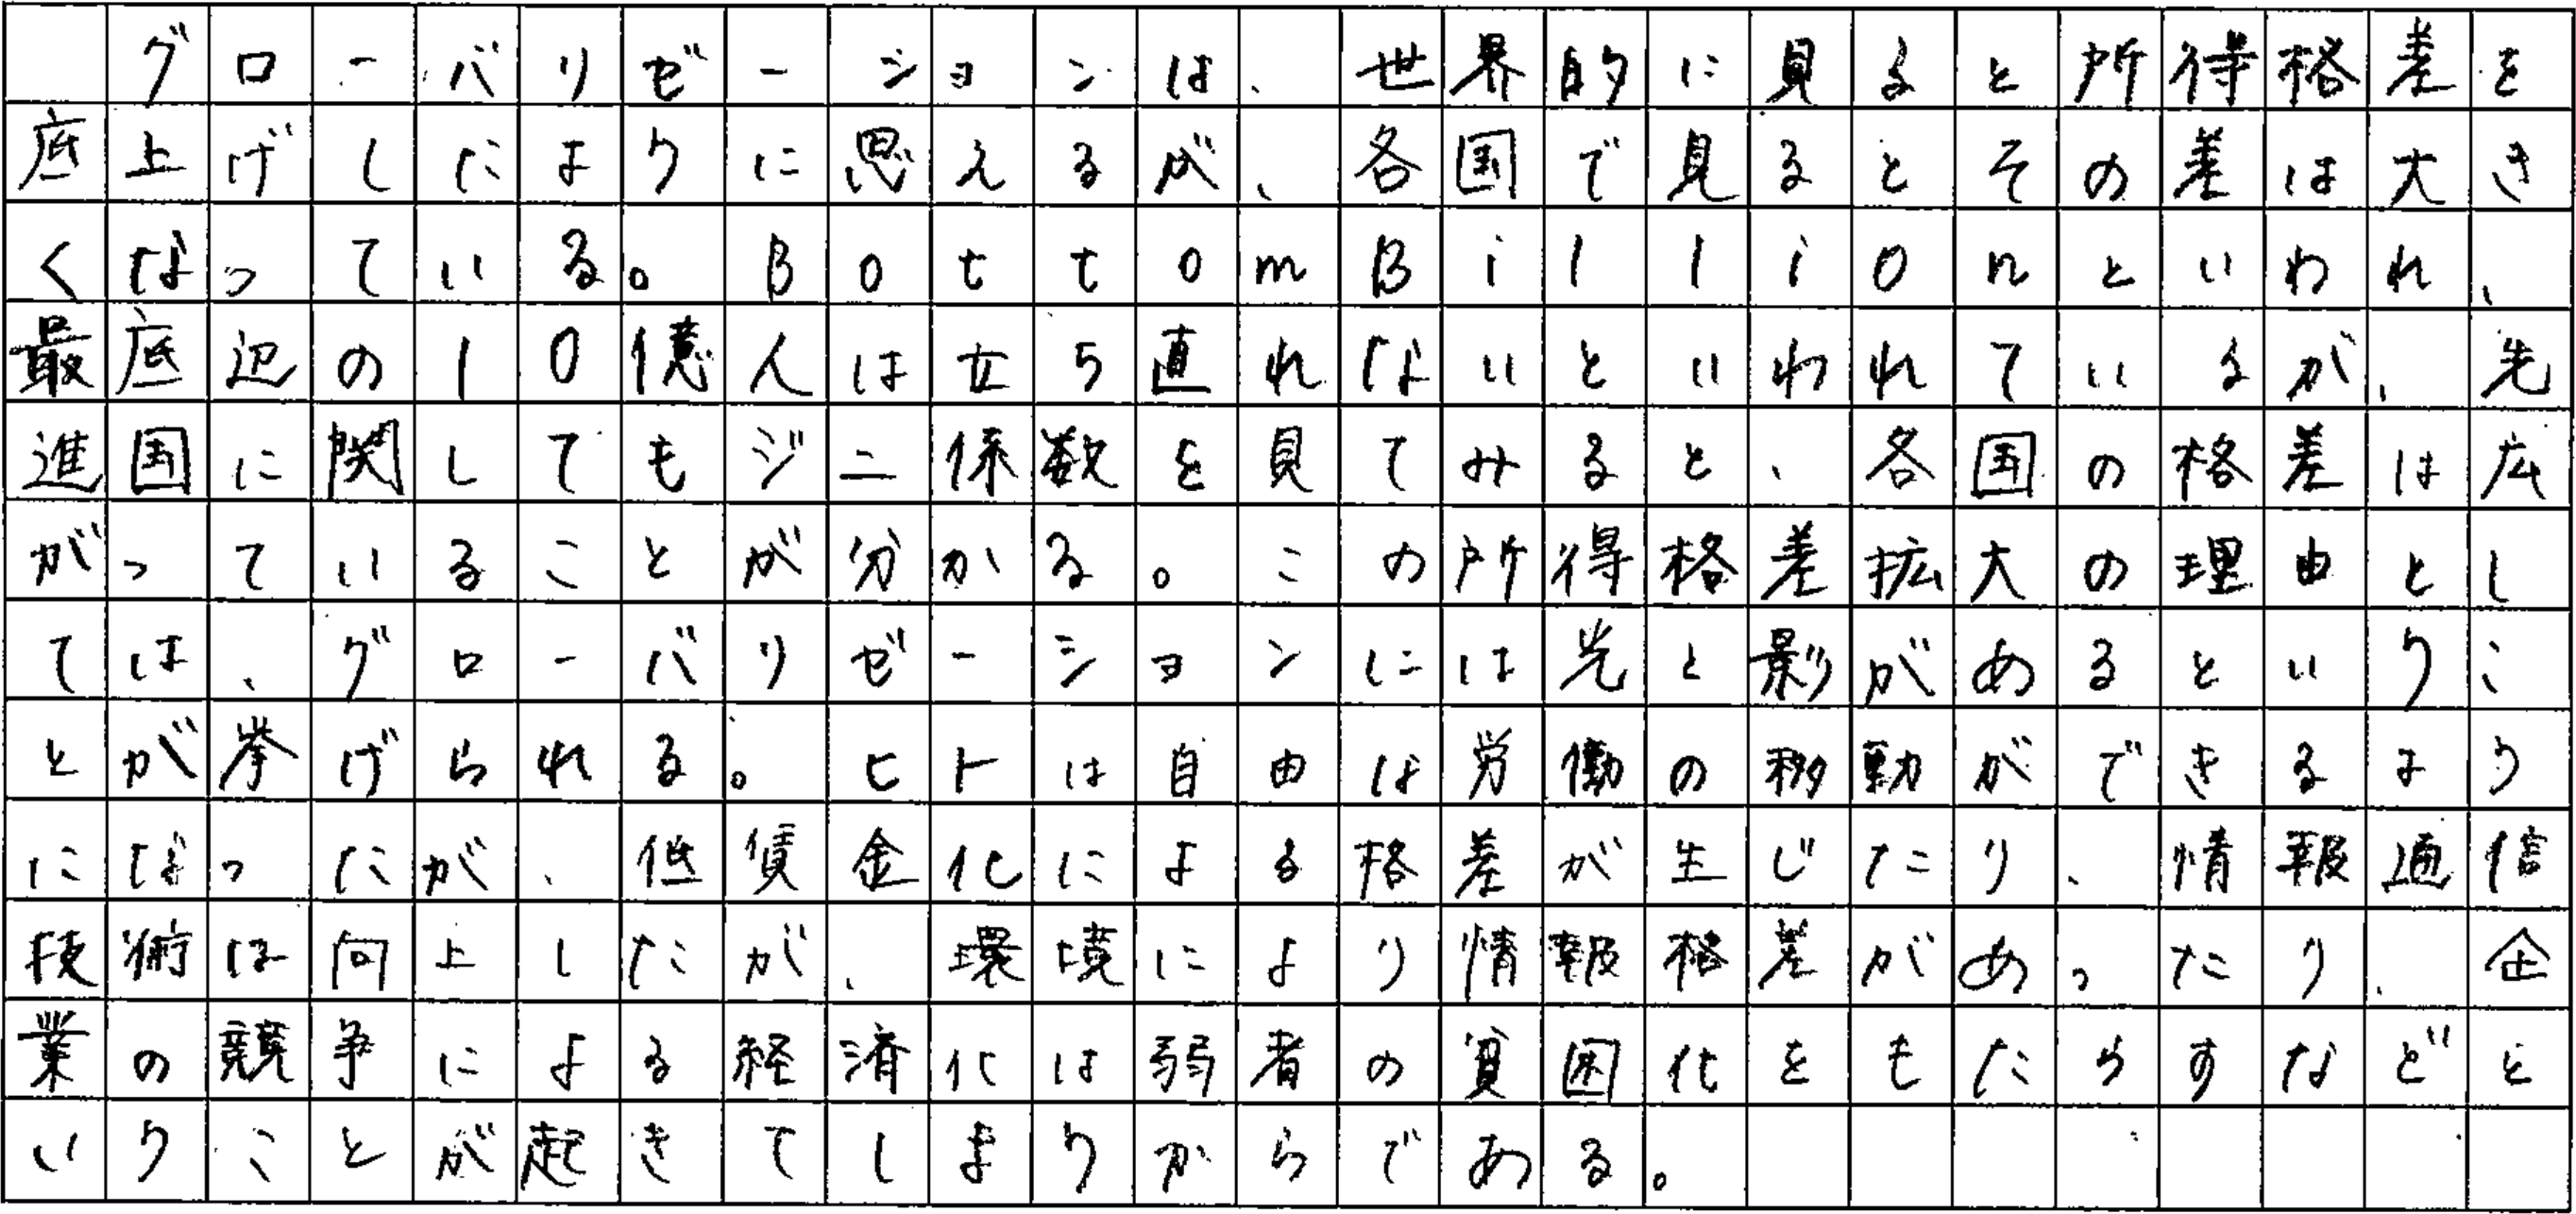　グローバリゼーションは、世界的に見ると所得格差を底上げしたように思えるが、各国で見るとその差は大きくなっている。ＢｏｔｔｏｍＢｉｌｌｉｏｎといわれ、最底辺の１０億人は立ち直れないといわれているが、先進国に関してもジニ係数を見てみると、各国の格差は広がっていることが分かる。この所得格差拡大の理由としては、グローバリゼーションには光と影があるということが挙げられる。ヒトは自由な労働の移動ができるようになったが、低賃金化による格差が生じたり、情報通信技術は向上したが、環境により情報格差があったり、企業の競争による経済化は弱者の貧困化をもたらすなどということが起きてしまうからである。
